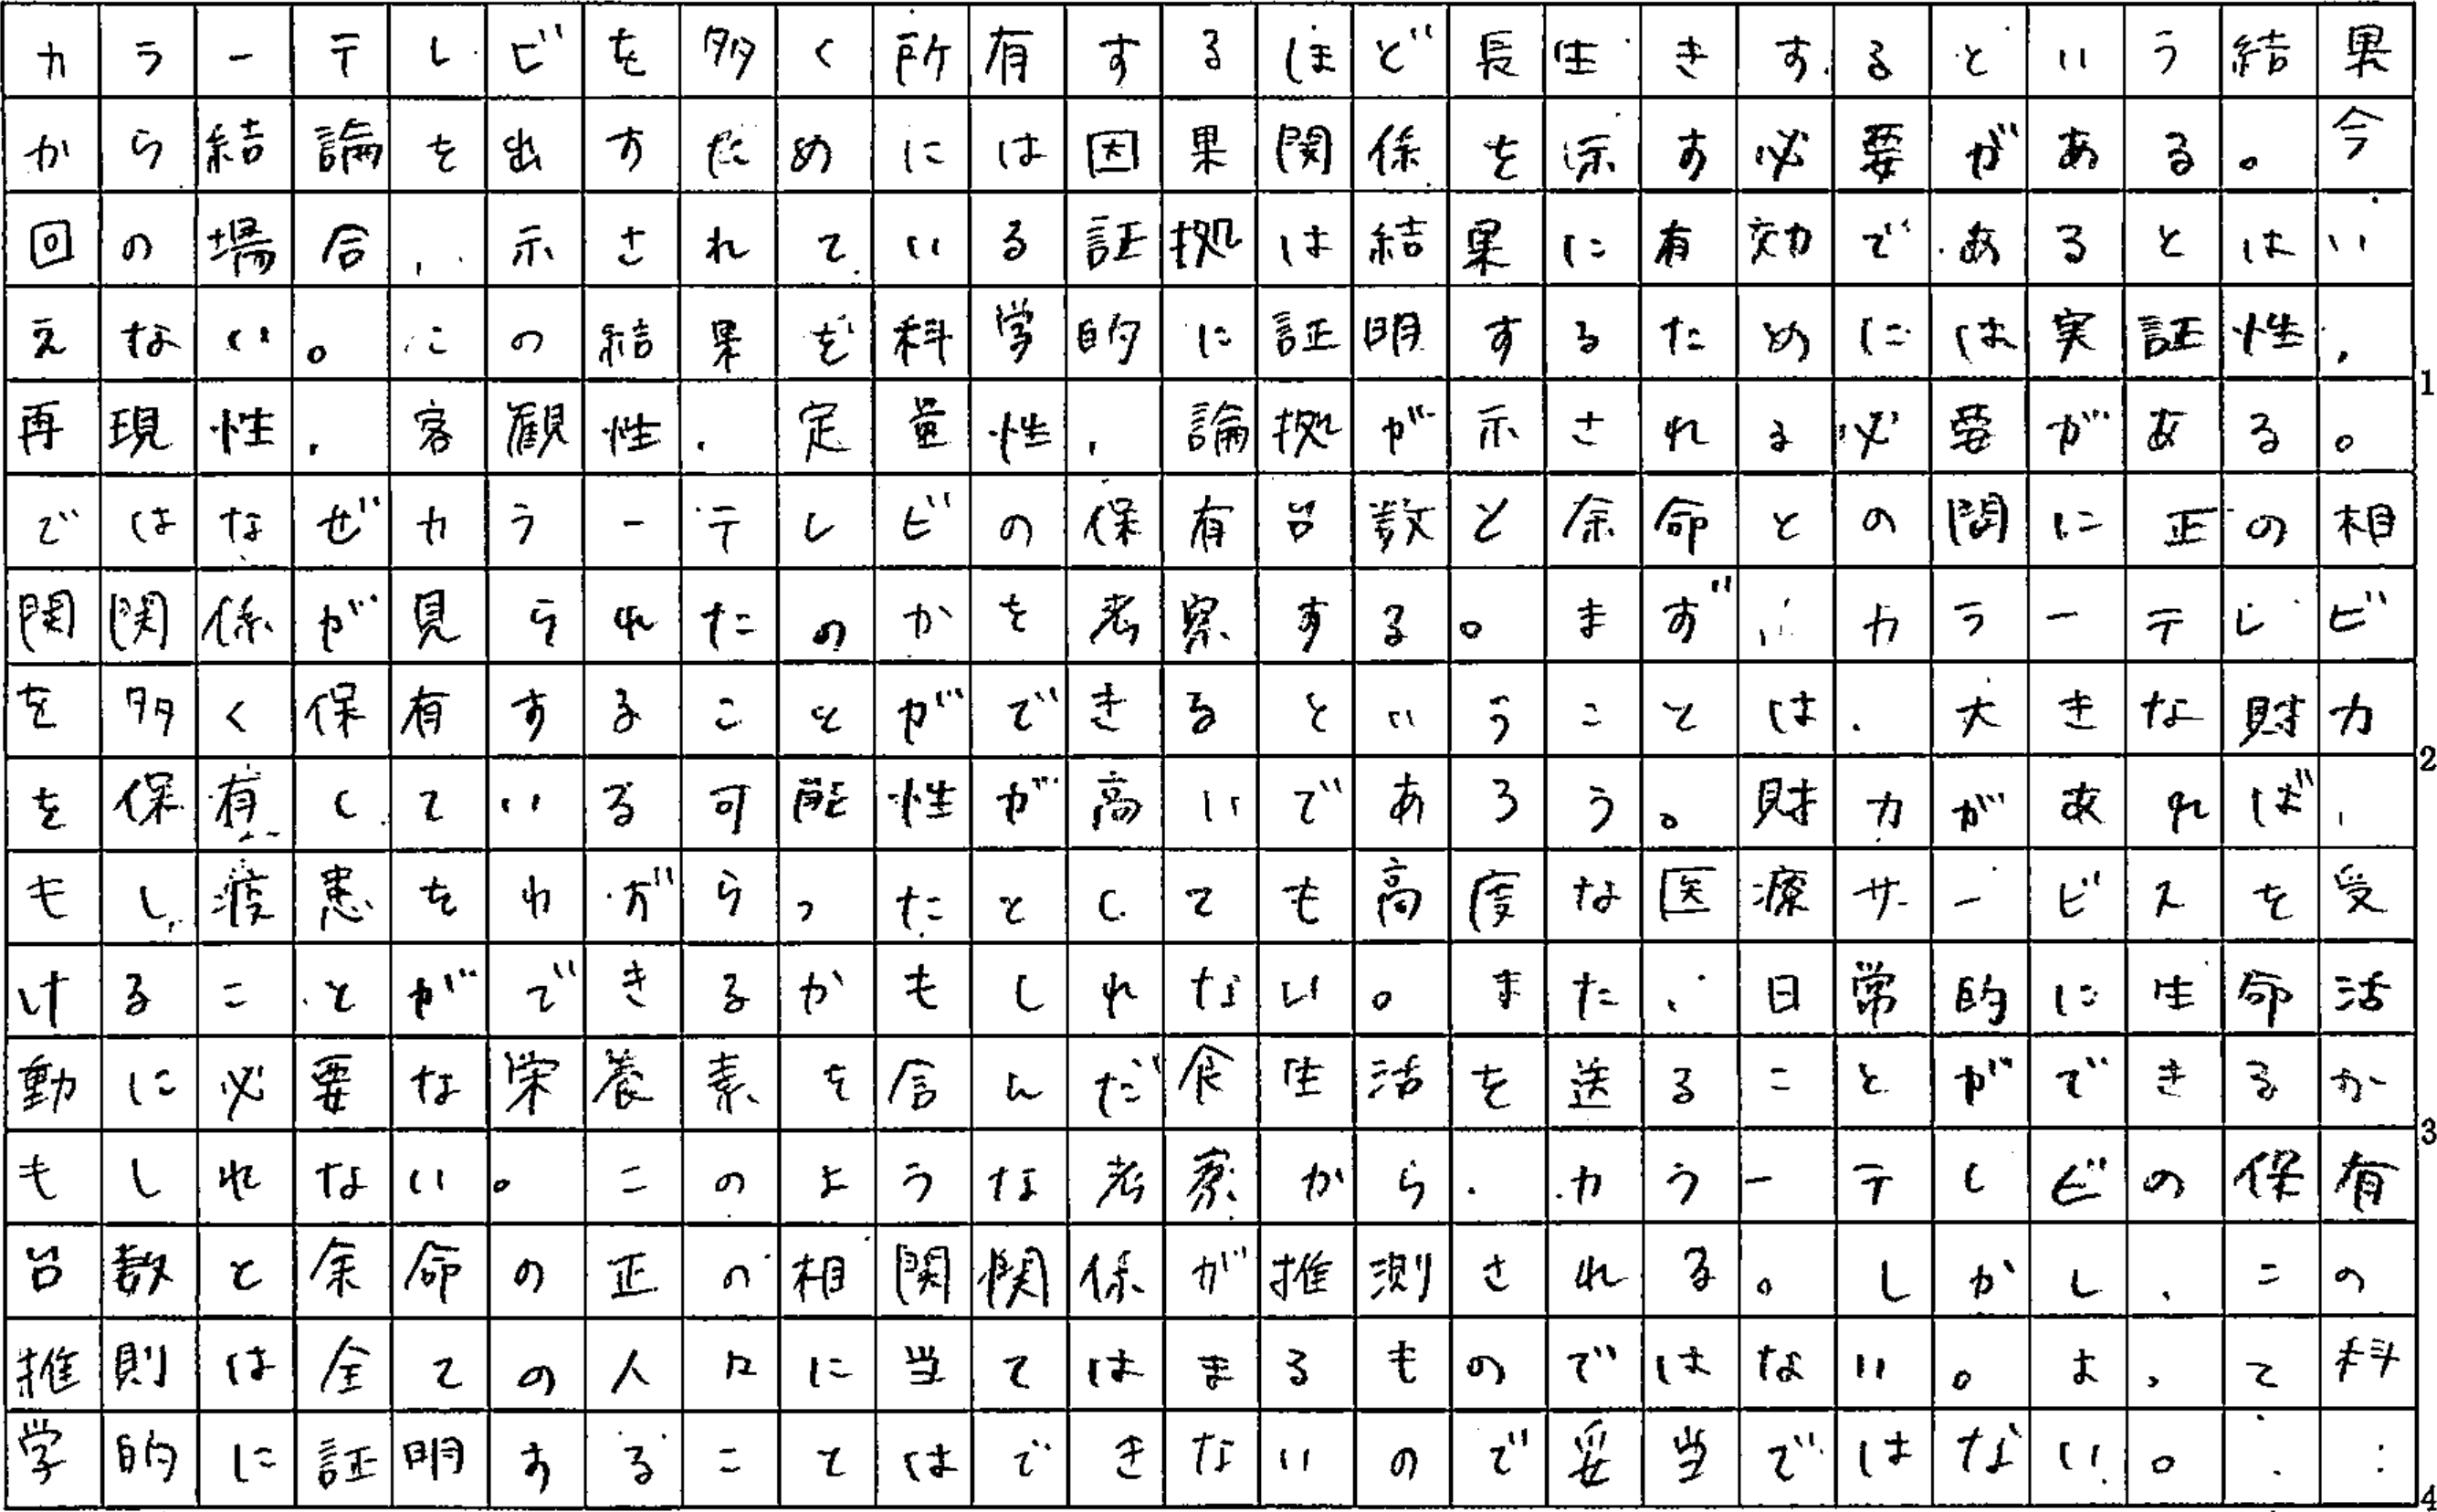カラーテレビを多く所有するほど長生きするという結果から結論を出すためには因果関係を示す必要がある。今回の場合、示されている証拠は結果に有効であるとはいえない。この結果を科学的に証明するためには実証性、再現性、客観性、定量性、論拠が示される必要がある。ではなぜカラーテレビの保有台数と余命との間に正の相関関係が見られたのかを考▁する。まず、カラーテレビを多く保有することができるということは、大きな財力を保有している可能性が高いであろう。財力があれば、もし疫患をわずらったとしても高度な医療サービスを受けることができるかもしれない。また、日常的に生命活動に必要な栄養素を含んだ食生活を送ることができるかもしれない。このような考▁から、カラーテレビの保有台数と余命の正の相関関係が推測される。しかし、この推則は全ての人々に当てはまるものではない。よって科学的に証明することはできないので妥当ではない。
